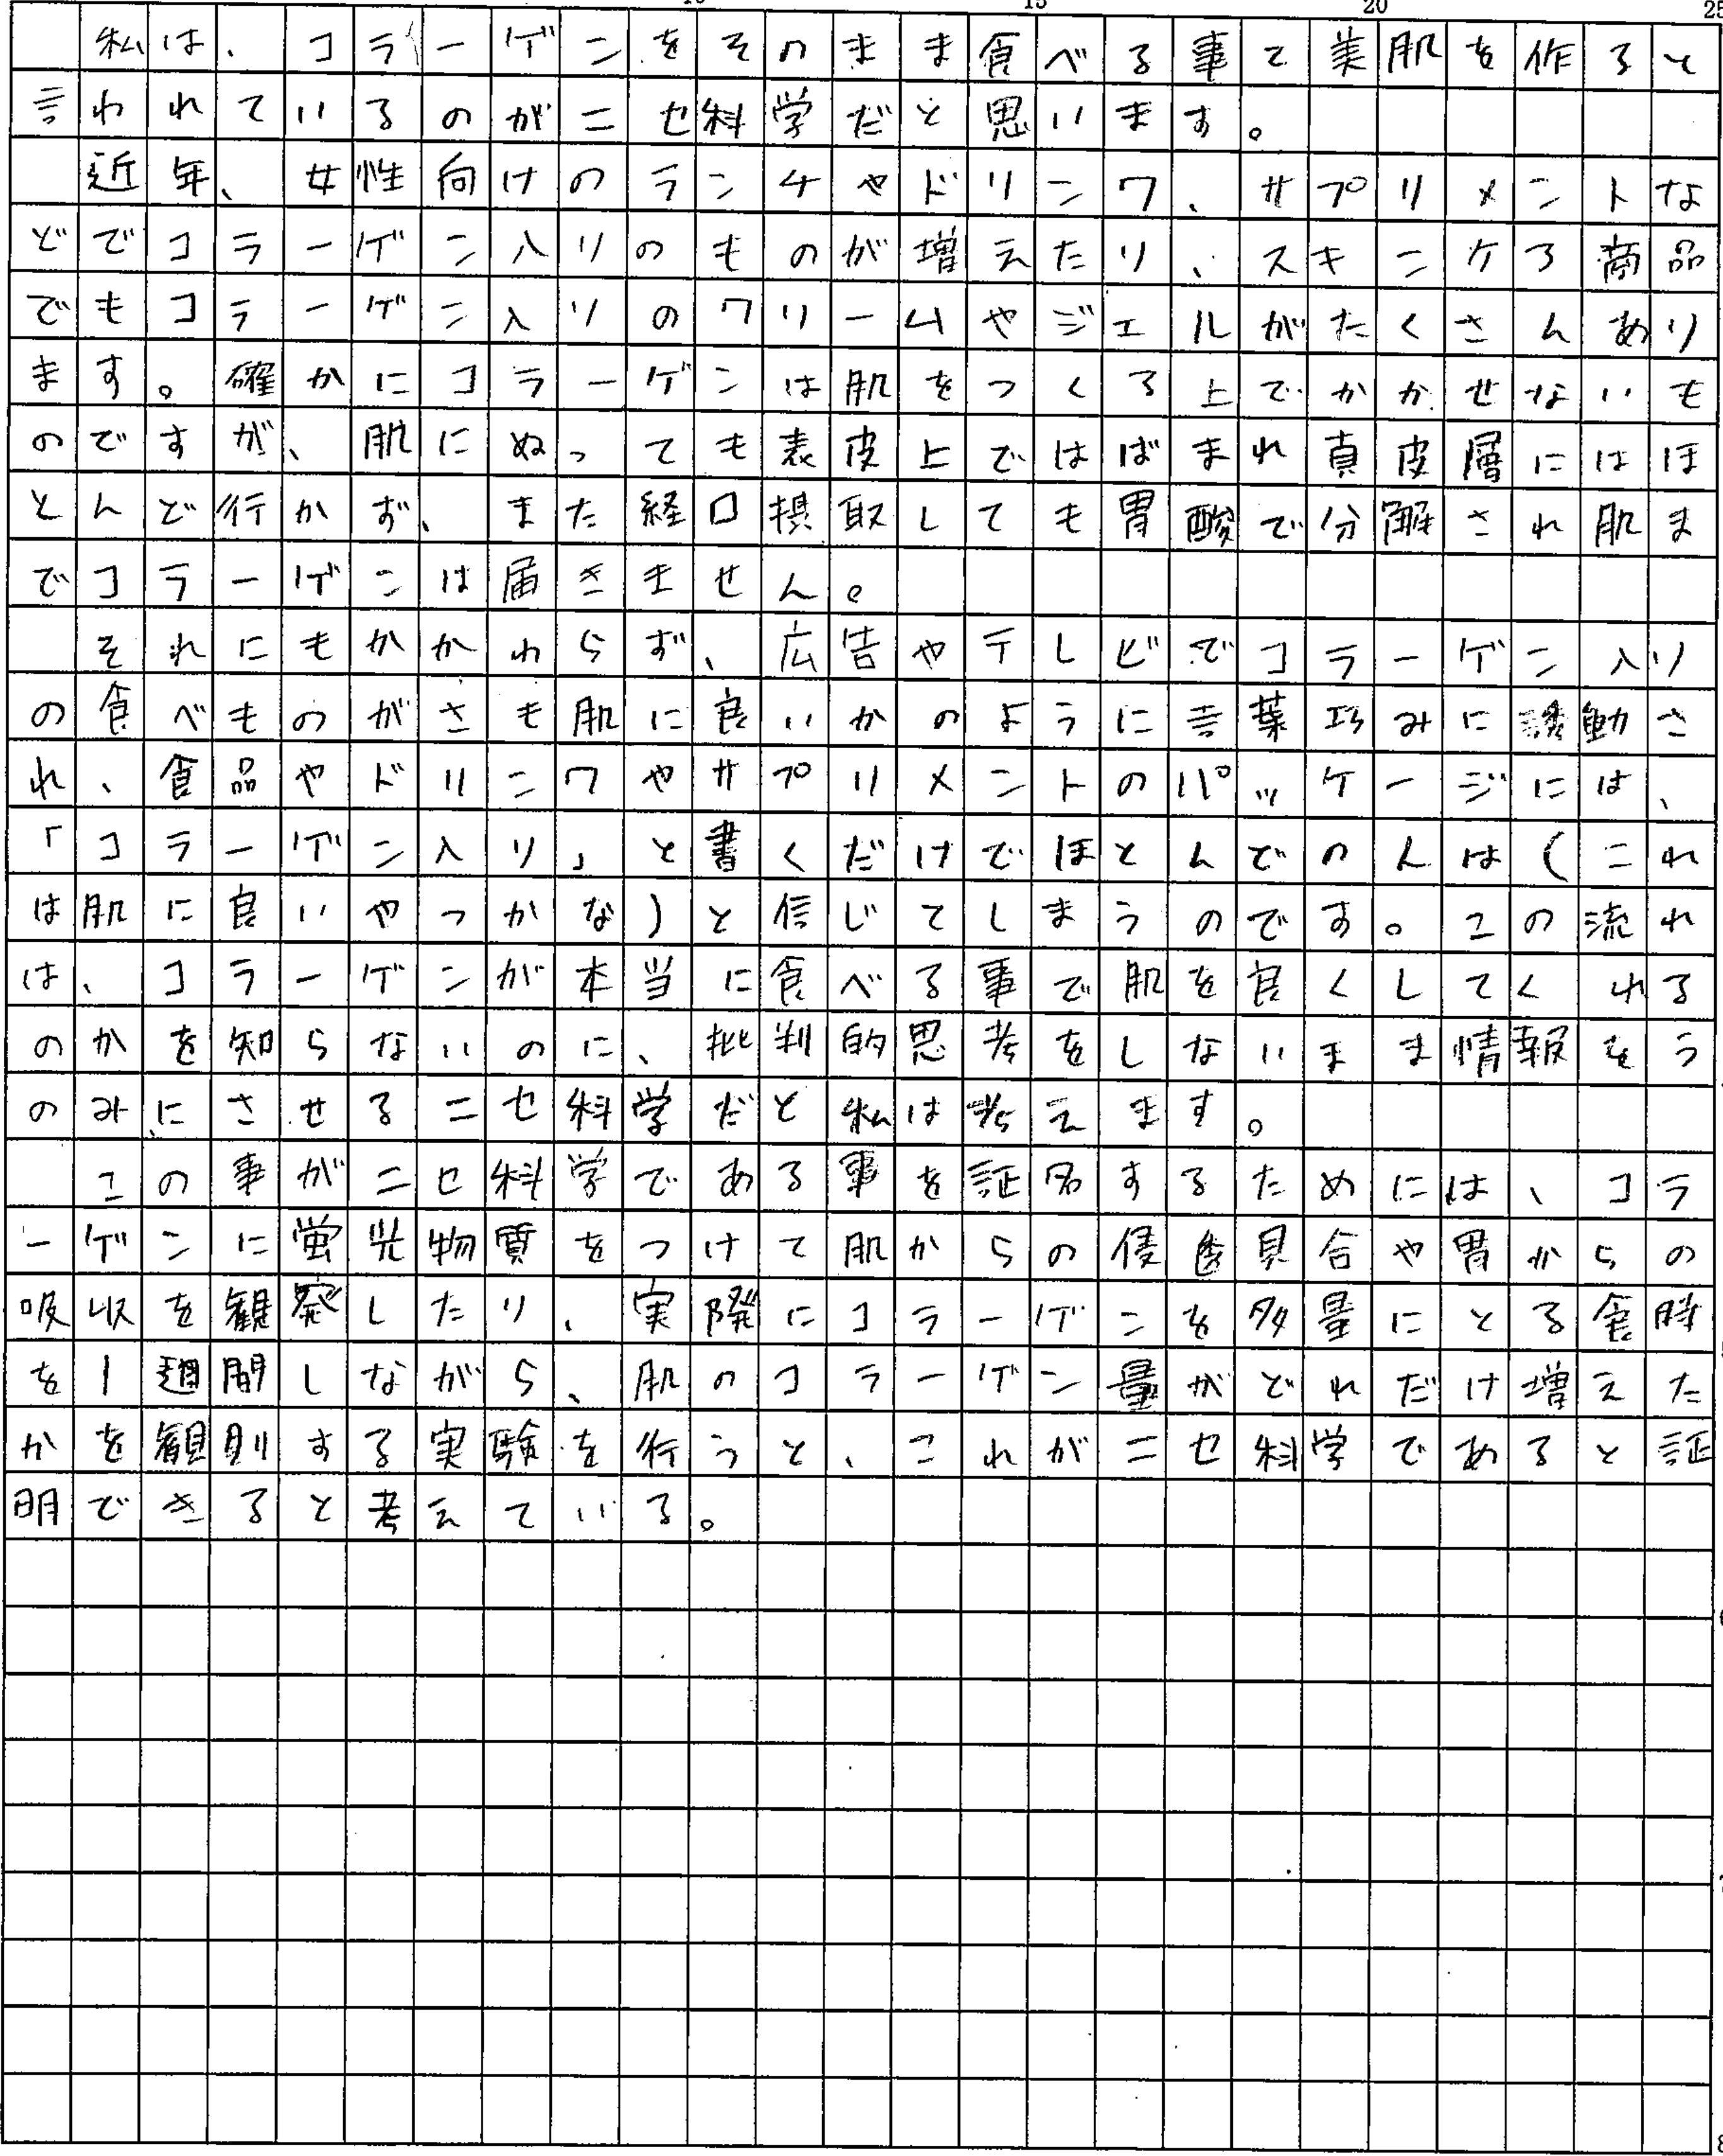　私は、コラーゲンをそのまま食べる事て美肌を作ると言われているのがニセ科学だと思います。
　近年、女性向けのランチやドリンク、サプリメントなどでコラーゲン入りのものが増えたり、スキンケア商品でもコラーゲン入りのクリームやジェルがたくさんあります。確かにコラーゲンは肌をつくる上でかかせないものですが、肌にぬっても表皮上ではばまれ真皮層にはほとんど行かず、また経口摂取しても胃酸で分解され肌までコラーゲンは届きません。
　それにもかかわらず、広告やテレビでコラーゲン入りの食べものがさも肌に良いかのように言葉巧みに誘動され、食品やドリンクやサプリメントのパッケージには、「コラーゲン入り」と書くだけでほとんどの人は（これは肌に良いやつかな）と信じてしまうのです。この流れは、コラーゲンが本当に食べる事で肌を良くしてくれるのかを知らないのに、批判的思考をしないまま情報をうのみにさせるニセ科学だと私は考えます。
　この事がニセ科学である事を証名するためには、コラーゲンに蛍光物質をつけて肌からの侵透具合や胃からの吸収を観▁したり、実▁にコラーゲンを多量にとる食時を１週間しながら、肌のコラーゲン量がどれだけ増えたかを観則する実験を行うと、これがニセ科学であると証明できると考えている。
